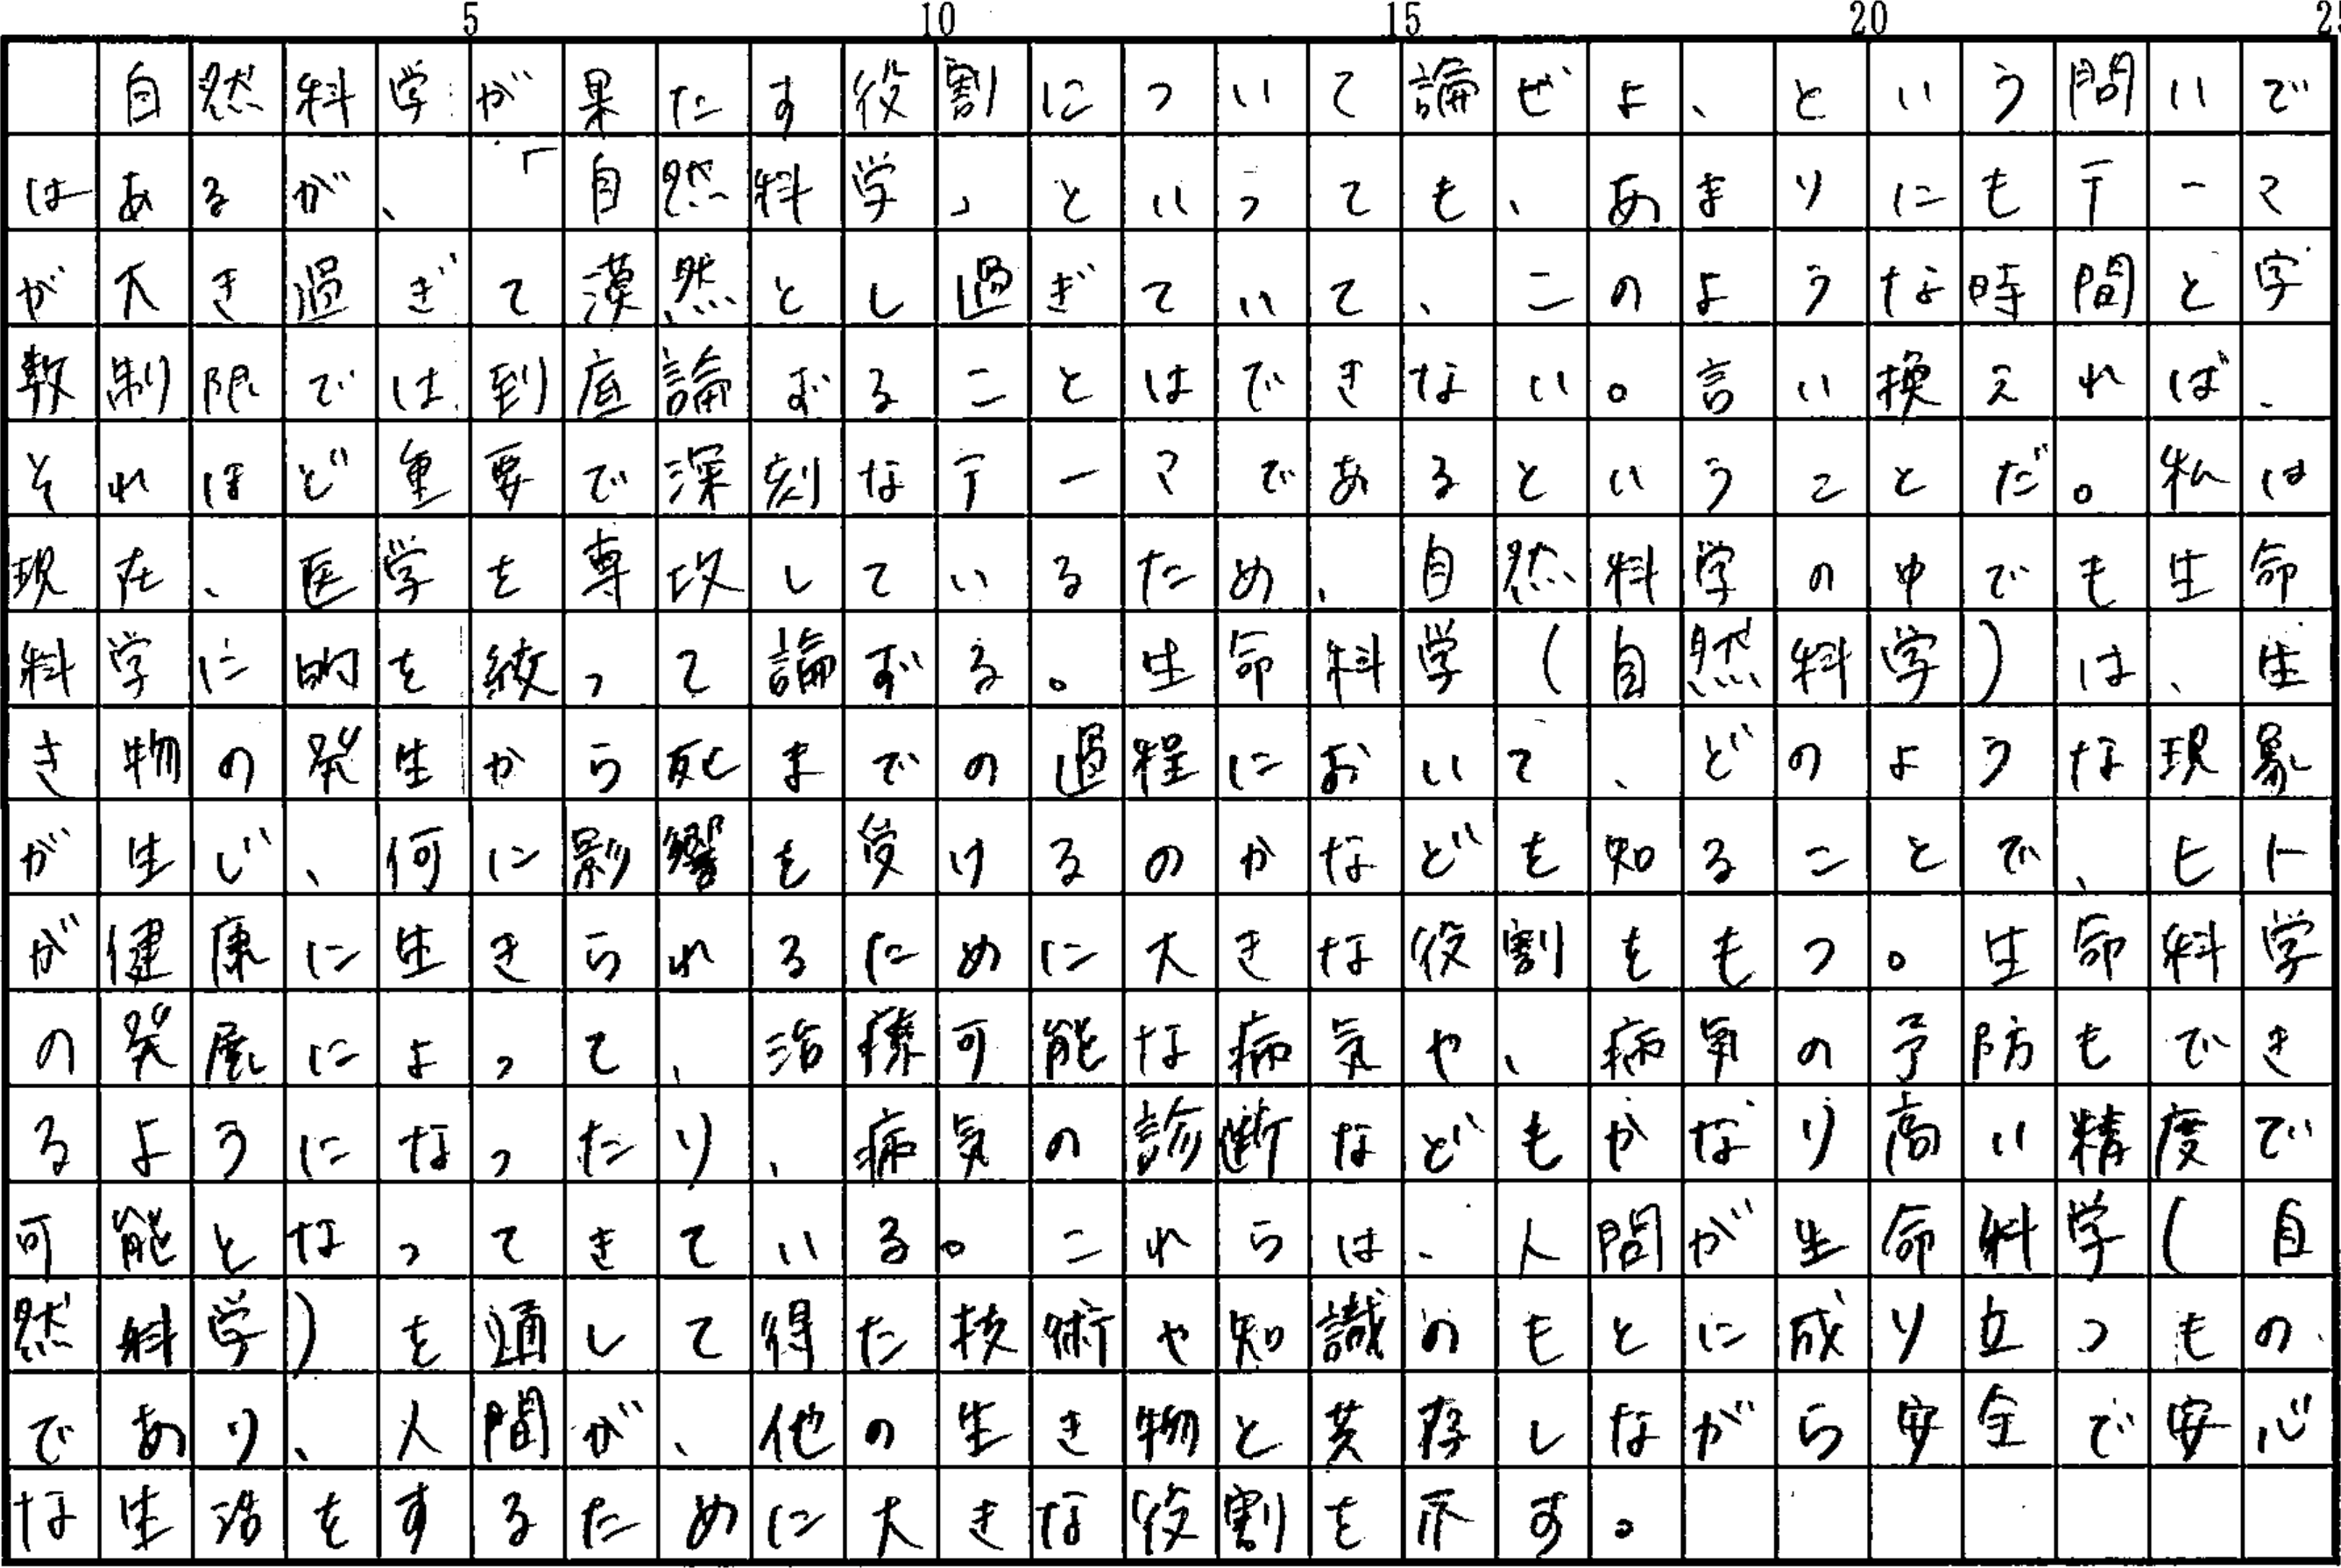　自然科学が果たす役割について論ぜよ、という問いではあるが、「自然科学」といっても、あまりにもテーマが大き過ぎて漠然とし過ぎていて、このような時間と字数制限では到底論ずることはできない。言い換えれば、それほど重要で深刻なテーマであるということだ。私は現在、医学を専攻しているため、自然科学の中でも生命科学に的を絞って論ずる。生命科学（自然科学）は、生き物の発生から死までの過程において、どのような現象が生じ、何に影響を受けるのかなどを知ることで、ヒトが健康に生きられるために大きな役割をもつ。生命科学の発展によって、治療可能な病気や、病気の予防もできるようになったり、病気の診断などもかなり高い精度で可能となってきている。これらは、人間が生命科学（自然科学）を通して得た技術や知識のもとに成り立つものであり、人間が、他の生き物と共存しながら安全で安心な生活をするために大きな役割を示す。
